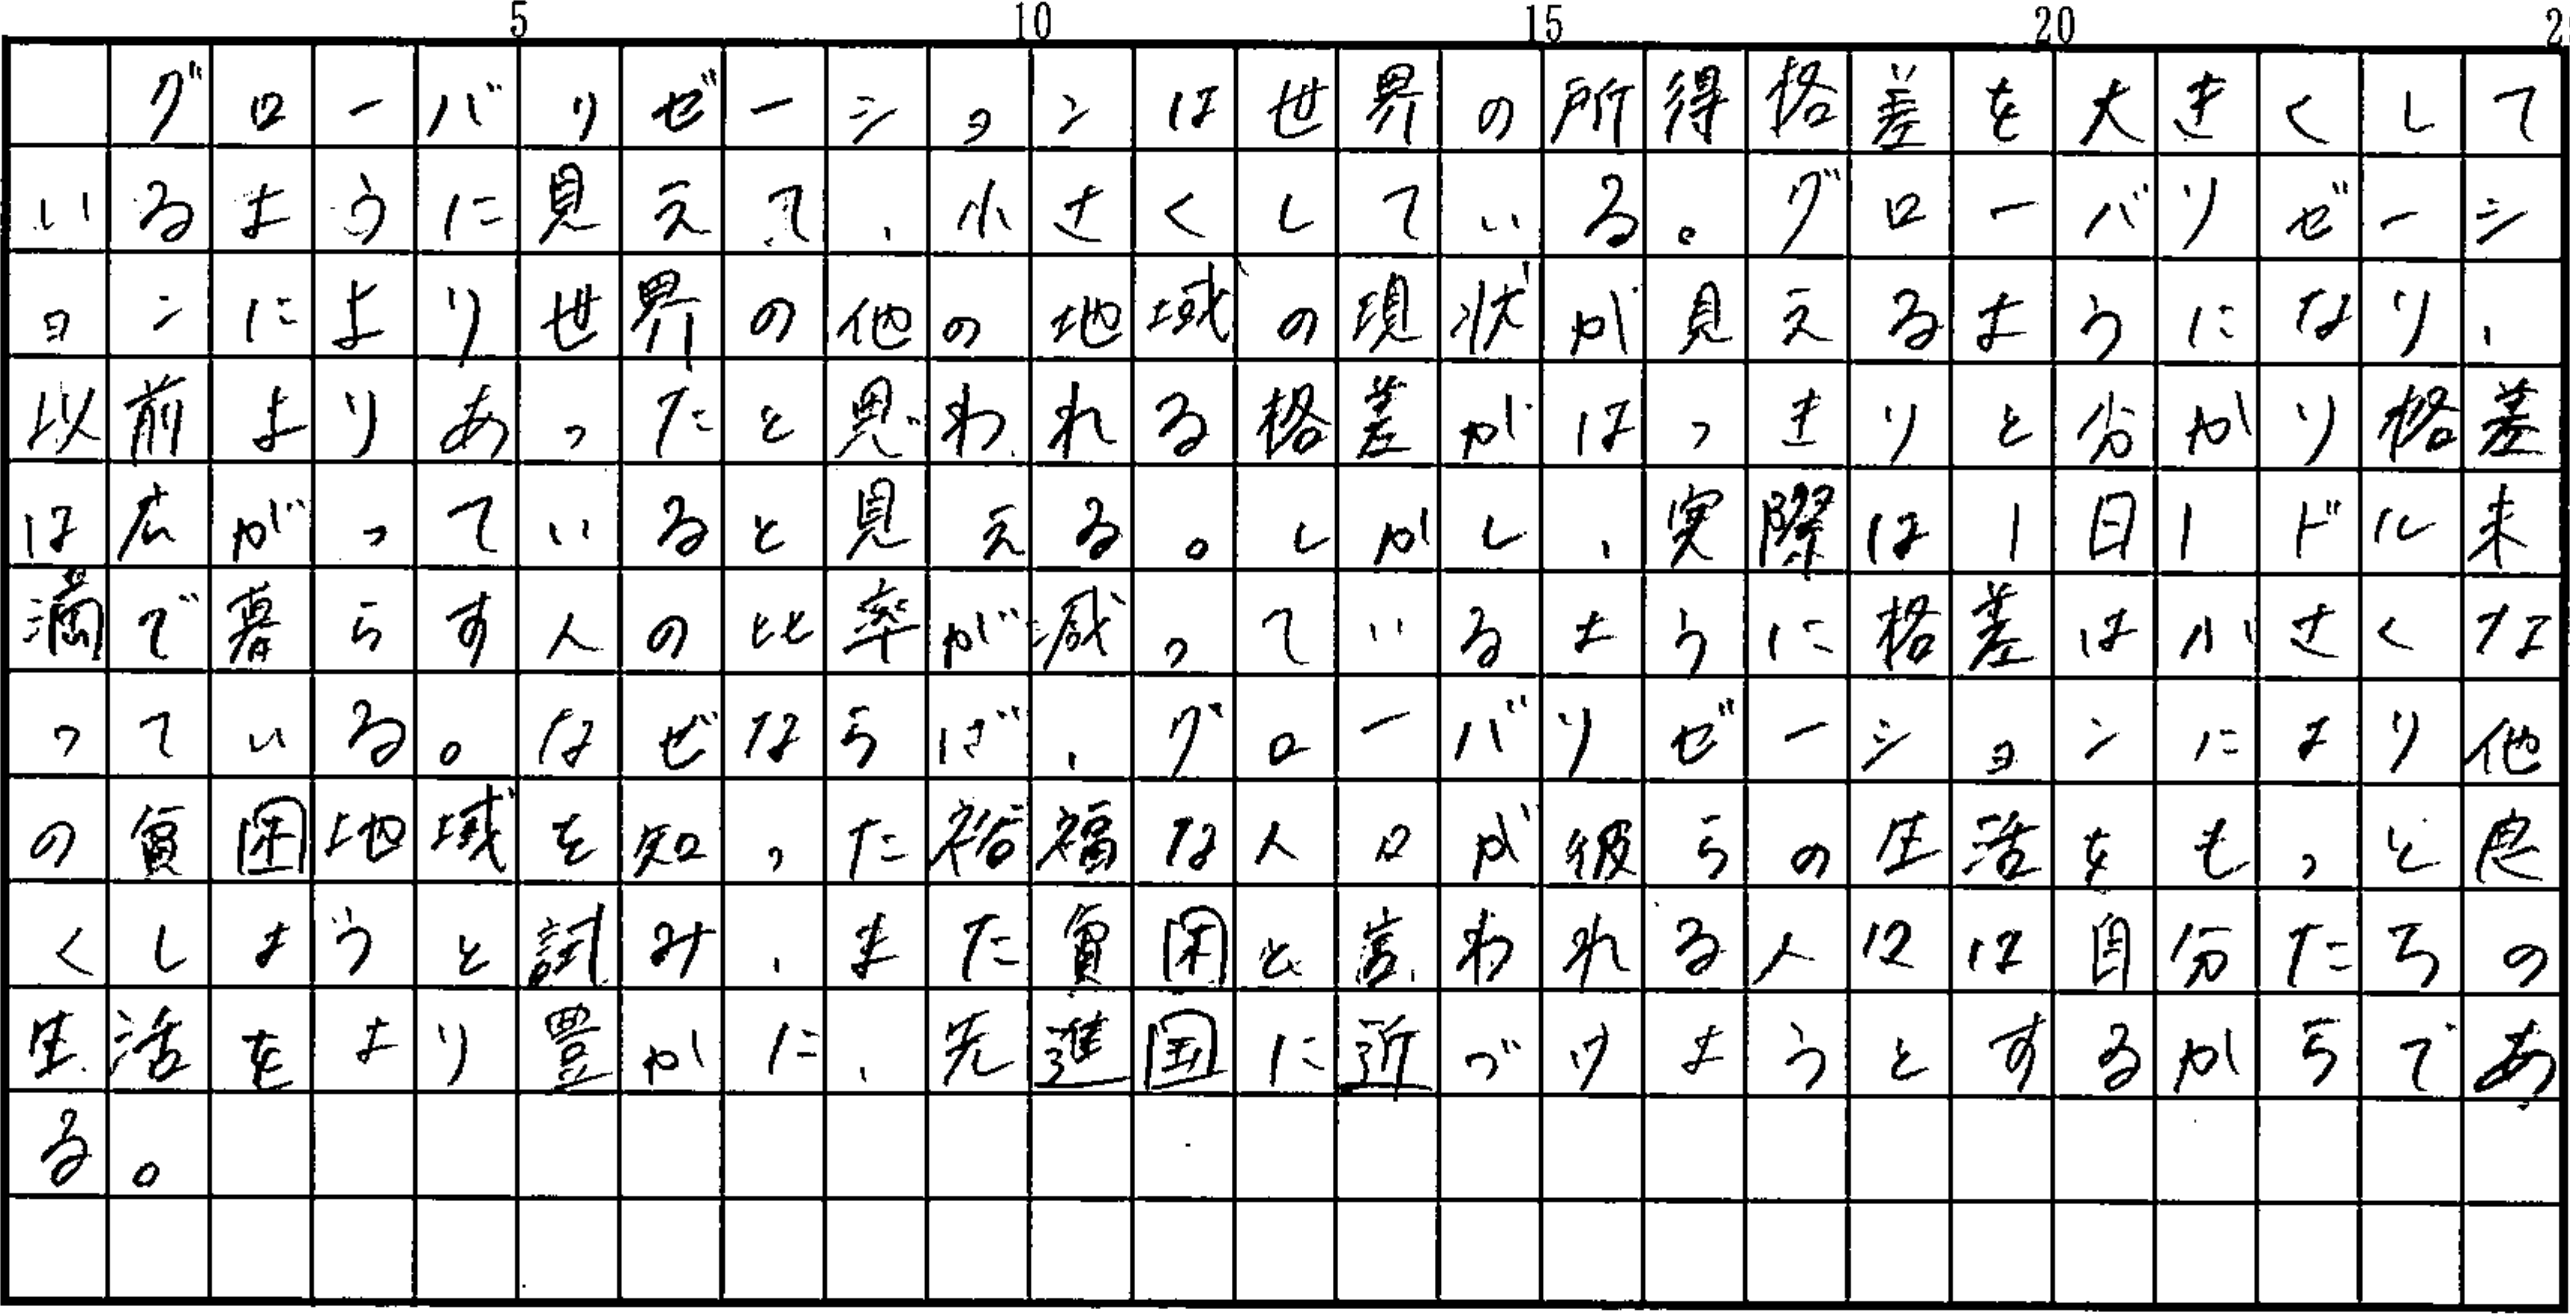　グローバリゼ－ションは世界の所得格差を大きくしているように見えて、小さくしている。グローバリゼ－ションにより世界の他の地域の現状が見えるようになり、以前よりあったと思われる格差がはっきりと分かり格差は広がっていると見える。しかし、実際は１日１ドル未満で暮らす人の比率が減っているように格差は小さくなっている。なぜならば、グローバリゼ－ションにより他の貧困地域を知った裕福な人々が彼らの生活をもっと良くしようと試み、また貧困と言われる人々は自分たちの生活をより豊かに、先進国に近づけようとするからである。
